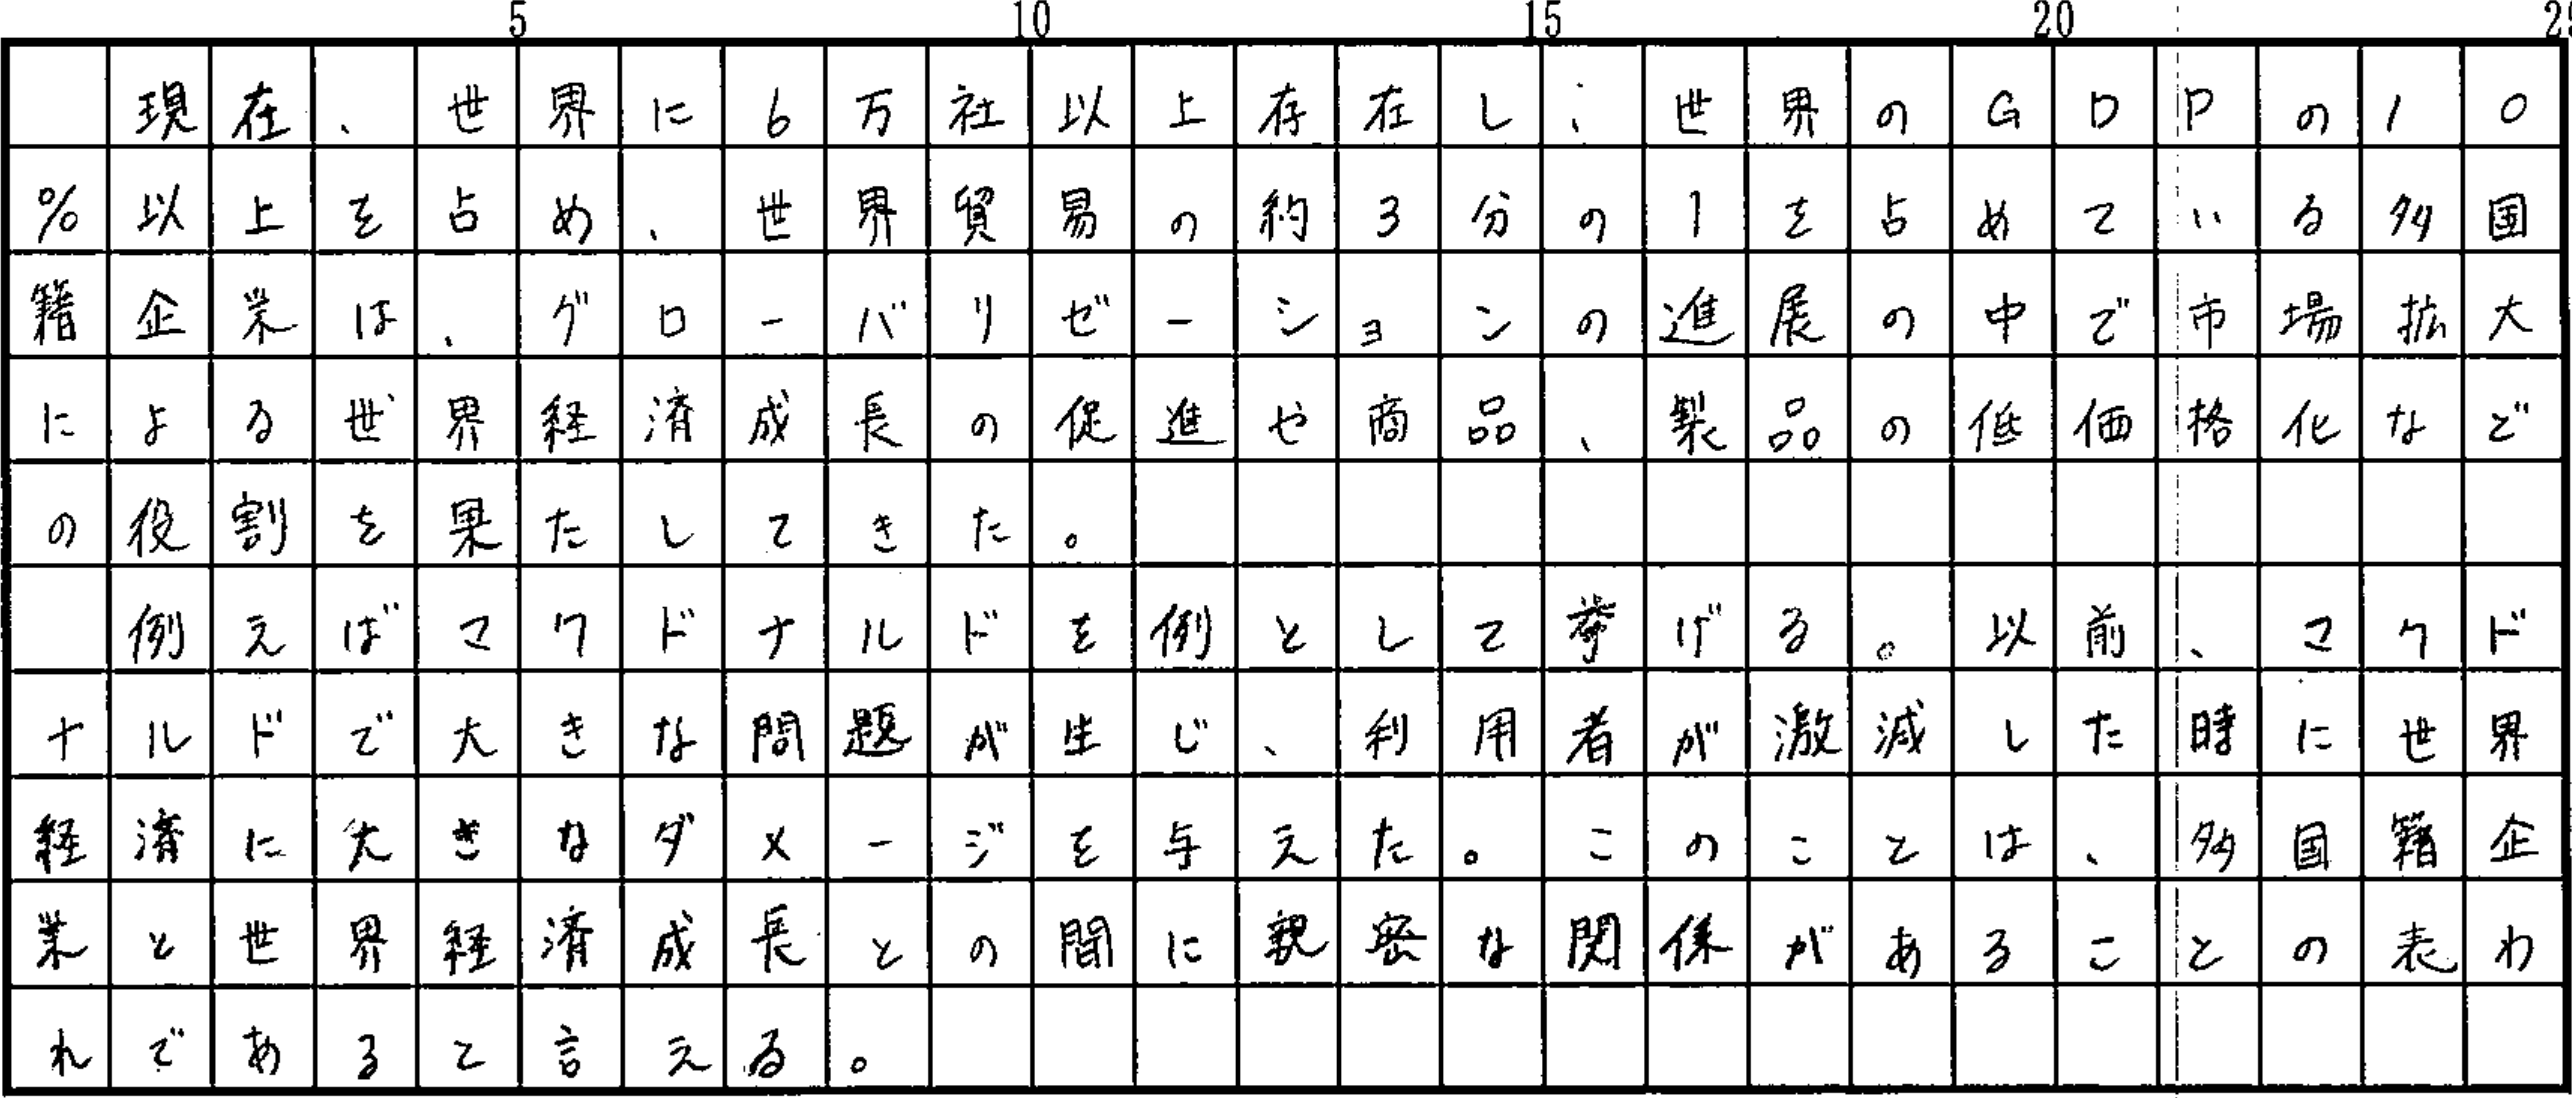  現在、世界に６万社以上存在し、世界のＧＤＰの１０％以上を占め、世界貿易の約３分の１を占めている多国籍企業は、グローバリゼーションの進展の中で市場拡大による世界経済成長の促進や商品、製品の低価格化などの役割を果たしてきた。
　例えばマクドナルドを例として挙げる。以前、マクドナルドで大きな問題が生じ、利用者が激減した時に世界経済に大きなダメージを与えた。このことは、多国籍企業と世界経済成長との間に親密な関係があることの表われであると言える。
